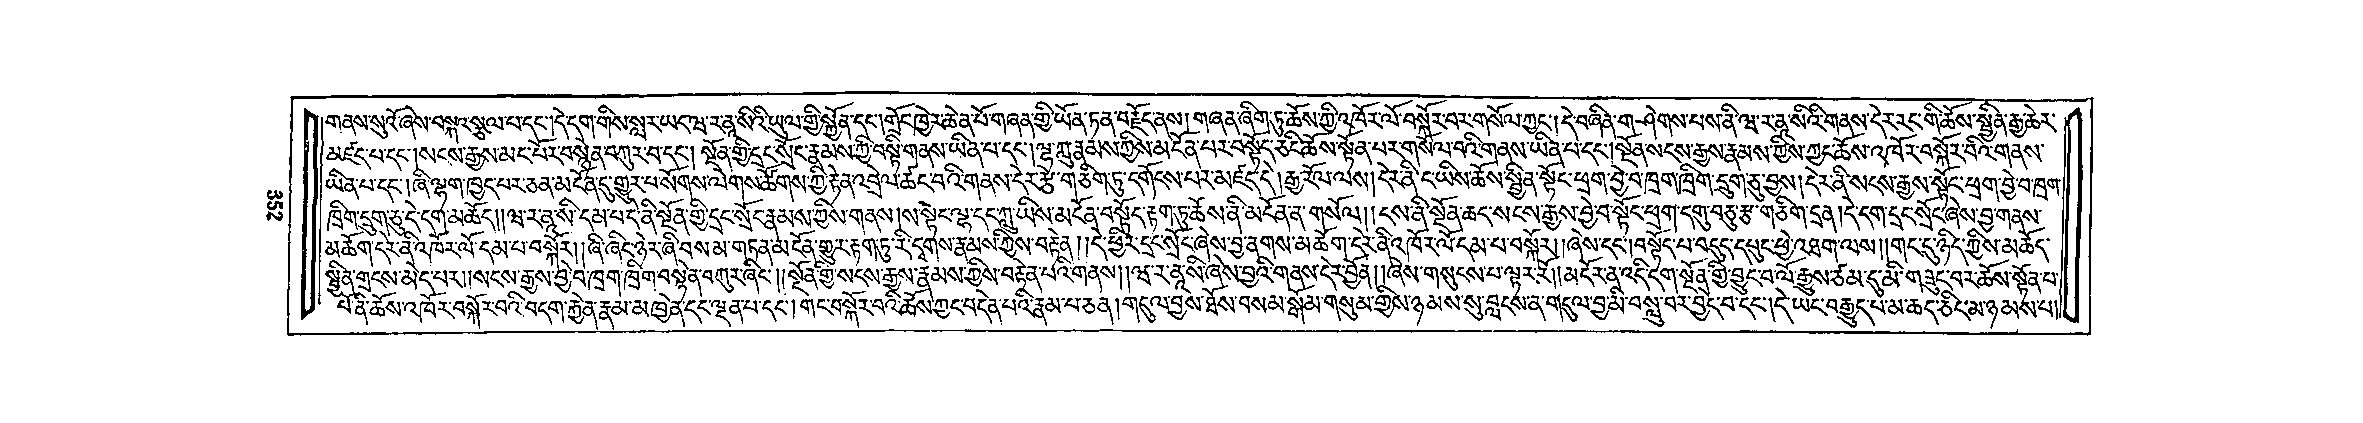གནས་སུའོ་ཞེས་བསྐའ་སྩལ་པ་དང་། དེ་དག་གིས་སླར་ཡང་ཝ་ར་ནཱ་སིའི་ཡུལ་གྱི་སྐྱོན་དང་། གྲོང་ཁྱེར་ཆེན་པོ་གཞན་གྱི་ཡོན་ཏན་བརྗོད་ནས། གཞན་ཞིག་ཏུ་ཆོས་ཀྱི་འཁོར་ལོ་བསྐོར་བར་གསོལ་ཀྱང་། དེ་བཞིན་གཤེགས་པས་ནི་ཝ་ར་ནཱ་སིའི་གནས་དེར་རང་གི་ཆོས་སྦྱིན་རྒྱ་ཆེར་
མཛད་པ་དང་། སངས་རྒྱས་མང་པོར་བསྙེན་བཀུར་བ་དང་། སྔོན་གྱི་དྲང་སྲོང་རྣམས་ཀྱི་བསྟི་གནས་ཡིན་པ་དང་། ལྷ་ཀླུ་རྣམས་ཀྱིས་མངོན་པར་བསྟོད་ཅིང་ཆོས་སྟོན་པར་གསོལ་བའི་གནས་ཡིན་པ་དང་། སྔོན་སངས་རྒྱས་རྣམས་ཀྱིས་ཀྱང་ཆོས་འཁོར་བསྐོར་བའི་གནས་
ཡིན་པ་དང་། ཞི་ལྷག་ཁྱད་པར་ཅན་མངོན་དུ་གྱུར་པ་སོགས་ལེགས་ཚོགས་ཀྱི་རྟེན་འབྲེལ་ཚང་བའི་གནས་དེར་རྩེ་གཅིག་ཏུ་དགོངས་པར་མཛད་དེ། རྒྱ་རོལ་ལས། དེར་ནི་ང་ཡིས་ཆོས་སྦྱིན་སྟོང་ཕྲག་བྱེ་བ་ཁྲག་ཁྲིག་དྲུག་ཅུ་བྱས། དེར་ནི་སངས་རྒྱས་སྟོང་ཕྲག་བྱེ་བ་ཁྲག་
ཁྲིག་དྲུག་ཅུ་དེ་དག་མཆོད། །ཝ་ར་ནཱ་སི་དམ་པ་དེ་ནི་སྔོན་གྱི་དྲང་སྲོང་རྣམས་ཀྱིས་གནས། ས་སྟེང་ལྷ་དང་ཀླུ་ཡིས་མངོན་བསྟོད་རྟག་ཏུ་ཆོས་ནི་མངོན་ན་གསོལ། །ངས་ནི་སྔོན་ཆད་སངས་རྒྱས་བྱེ་བ་སྟོང་ཕྲག་དགུ་བཅུ་རྩ་གཅིག་དྲན། དེ་དག་དྲང་སྲོང་ཞེས་བྱ་གནས་
མཆོག་དེར་ནི་འཁོར་ལོ་དམ་པ་བསྐོར། །ཞི་ཞིང་ཉེར་ཞི་བསམ་གཏན་མངོན་གྱུར་རྟག་ཏུ་རི་དྭགས་རྣམས་ཀྱིས་བརྟེན། །དེ་ཕྱིར་དྲང་སྲོང་ཞེས་བྱ་ནགས་མཆོག་དེར་ནི་འཁོར་ལོ་དམ་པ་བསྐོར། །ཞེས་དང་། བསྟོད་པ་བདུད་དཔུང་ཕྱེ་འཐག་ལས། །གང་དུ་ཉིད་ཀྱིས་མཆོད་
སྦྱིན་གྲངས་མེད་པར། །སངས་རྒྱས་བྱེ་བ་ཁྲག་ཁྲིག་བསྙེན་བཀུར་ཞིང་། །སྔོན་གྱི་སངས་རྒྱས་རྣམས་ཀྱིས་བརྟེན་པའི་གནས། །ཝ་ར་ནཱ་སི་ཞེས་བྱའི་གནས་དེར་བྱོན། །ཞེས་གསུངས་པ་ལྟར་རོ། །མདོར་ན་འདི་དག་སྔོན་གྱི་བྱུང་བ་ལོ་རྒྱུས་ཙམ་དུ་མི་གཟུང་བར་ཆོས་སྟོན་པ་
པོ་ནི་ཆོས་འཁོར་བསྐོར་བའི་བདག་རྐྱེན་རྣམ་མཁྱེན་དང་ལྡན་པ་དང་། གང་བསྐོར་བའི་ཆོས་ཀྱང་བདེན་པའི་རྣམ་པ་ཅན། གདུལ་བྱས་ཐོས་བསམ་སྒོམ་གསུམ་གྱིས་ཉམས་སུ་བླངས་ན་གདུལ་བྱ་མི་བསླུ་བར་བྱེད་པ་དང་། དེ་ཡང་བརྒྱུད་པ་མ་ཆད་ཅིང་མ་ཉམས་པ།